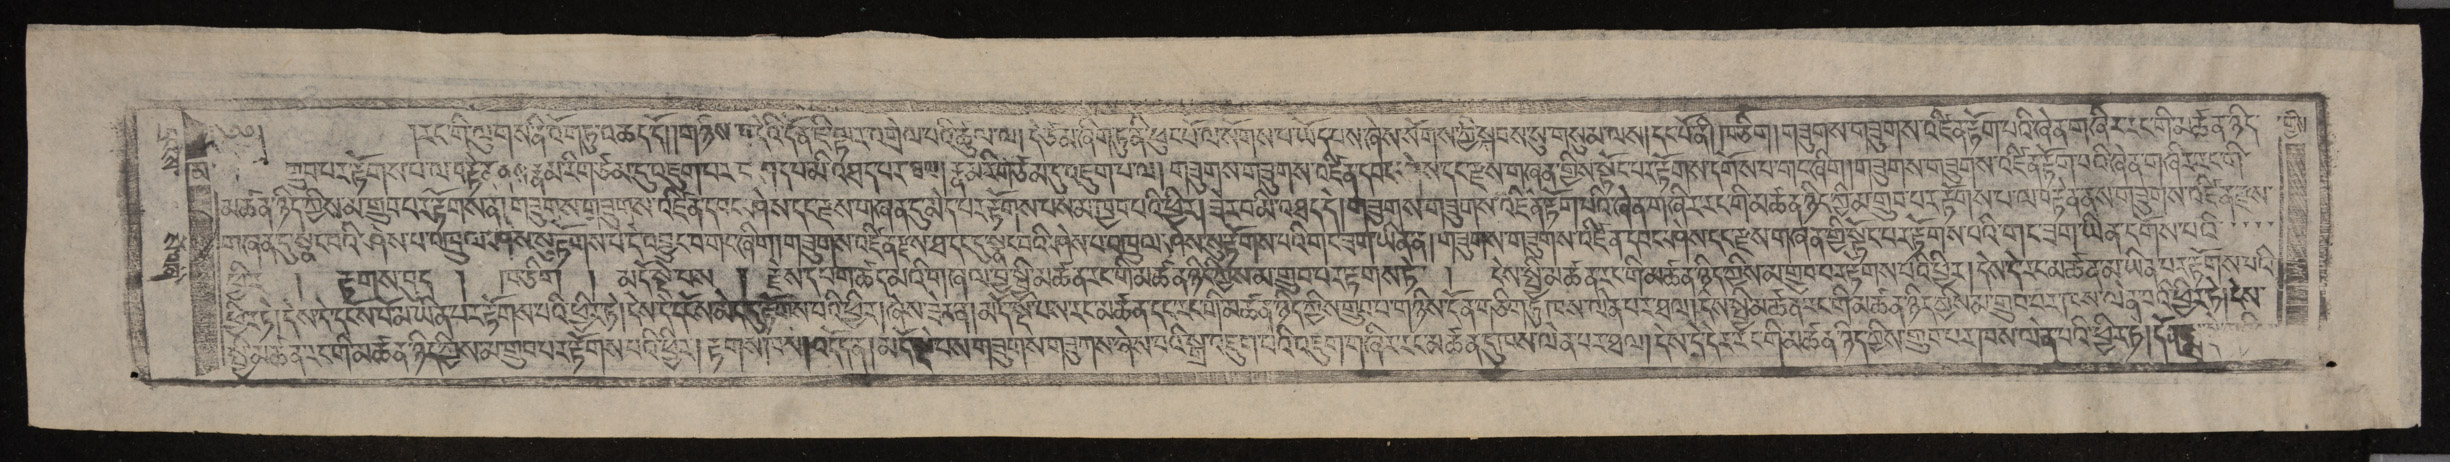༄༅། །རང་གི་ལུགས་ནི་འོག་ཏུ་འཆད་དོ། །གཉིས་པ་དེའི་དོན་ཇི་ལྟར་འགྲེལ་པའི་ཚུལ་ལ། དེ་ཙམ་ཞིག་ཏུ་ནི་ཕུང་པོ་ལ་སོགས་པ་ཡོད་པས་ཞེས་སོགས་ཀྱི་སྐབས་སུ་གསུམ་ལས། དང་པོ་ནི། ཁ་ཅིག །གཟུགས་གཟུགས་འཛིན་རྟོག་པའི་ཞེན་གཞིར་རང་གི་མཚན་ཉིད་
ཀྱིས་མ་གྲུབ་པར་རྟོགས་པ་ལ་བརྟེན་ནས་རྣམ་རིག་ཙམ་དུ་འཇུག་པར་བཤད་པ་མི་འཐད་པར་ཐལ། རྣམ་རིག་ཙམ་དུ་འཇུག་པ་ལ། གཟུགས་གཟུགས་འཛིན་དབང་ཤེས་དང་རྫས་གཞན་གྱིས་སྟོང་པར་རྟོགས་དགོས་པ་གང་ཞིག །གཟུགས་གཟུགས་འཛིན་རྟོག་པའི་ཞེན་གཞིར་རང་གི་
མཚན་ཉིད་ཀྱིས་མ་གྲུབ་པར་རྟོགས་ན། གཟུགས་གཟུགས་འཛིན་དབང་ཤེས་དང་རྫས་གཞན་དུ་མེད་པར་རྟོགས་པས་མ་ཁྱབ་པའི་ཕྱིར། ཟེར་བ་མི་འཐད་དེ། གཟུགས་གཟུགས་འཛིན་རྟོག་པའི་ཞེན་གཞིར་རང་གི་མཚན་ཉིད་ཀྱི་མ་གྲུབ་པར་རྟོགས་པ་ལ་བརྟེན་ནས་གཟུགས་འཛིན་རྫས་
གཞན་དུ་སྣང་བའི་ཤེས་པ་འཁྲུལ་ཤེས་སུ་རྟོགས་པ་དེ་འབྱུང་བ་གང་ཞིག །གཟུགས་འཛིན་རྫས་ཐ་དང་དུ་སྣང་བའི་ཤེས་པ་འཁྲུལ་ཤེས་སུ་རྟོགས་པའི་གང་ཟག་ཡིན་ན། གཟུགས་གཟུགས་འཛིན་དབང་ཤེས་དང་རྫས་གཞན་གྱི་སྟོང་པར་རྟོགས་པའི་གང་ཟག་ཡིན་དགོས་པའི་
ཕྱིར། རྟགས་བུད། ཁ་ཅིག །མདོ་སྡེ་པས། རྗེས་དཔག་ཚད་མའི་གཞལ་བྱ་སྤྱི་མཚན་རང་གི་མཚན་ཉིད་ཀྱིས་མ་གྲུབ་པར་རྟོགས་ཏེ། དེས་སྤྱི་མཚན་རང་གི་མཚན་ཉིད་ཀྱིས་མ་གྲུབ་པར་རྟོགས་པའི་ཕྱིར། དེས་དེ་རང་མཚན་མ་ཡིན་པར་རྟོགས་པའི་
ཕྱིར་ཏེ། དེས་དེ་དངོས་པོ་མ་ཡིན་པར་རྟོགས་པའི་ཕྱིར་ཏེ། དེས་དེ་དངོས་མེད་དུ་རྟོགས་པའི་ཕྱིར། ཞེས་ཟེར་ན། མདོ་སྡེ་པས་རང་མཚན་དང་རང་གི་མཚན་ཉིད་ཀྱིས་གྲུབ་པ་གཉིས་དོན་གཅིག་ཏུ་ཁས་ལེན་པར་ཐལ། དེས་སྤྱི་མཚན་རང་གི་མཚན་ཉིད་ཀྱིས་མ་གྲུབ་པར་ཁས་ལེན་པའི་ཕྱིར་ཏེ། དེས་
སྤྱི་མཚན་རང་གི་མཚན་ཉིད་ཀྱིས་མ་གྲུབ་པར་རྟོགས་པའི་ཕྱིར། རྟགས་ཁས། འདོད་ན། མདོ་སྡེ་པས་གཟུགས་གཟུགས་ཞེས་པའི་སྒྲ་འཇུག་པའི་འཇུག་གཞིར་རང་མཚན་དུ་ཁས་ལེན་པར་ཐལ། དེས་དེ་དེར་རང་གི་མཚན་ཉིད་ཀྱིས་གྲུབ་པར་ཁས་ལེན་པའི་ཕྱིར་ཏེ། དོན་སྨྲ་སྡེ་གཉིས་